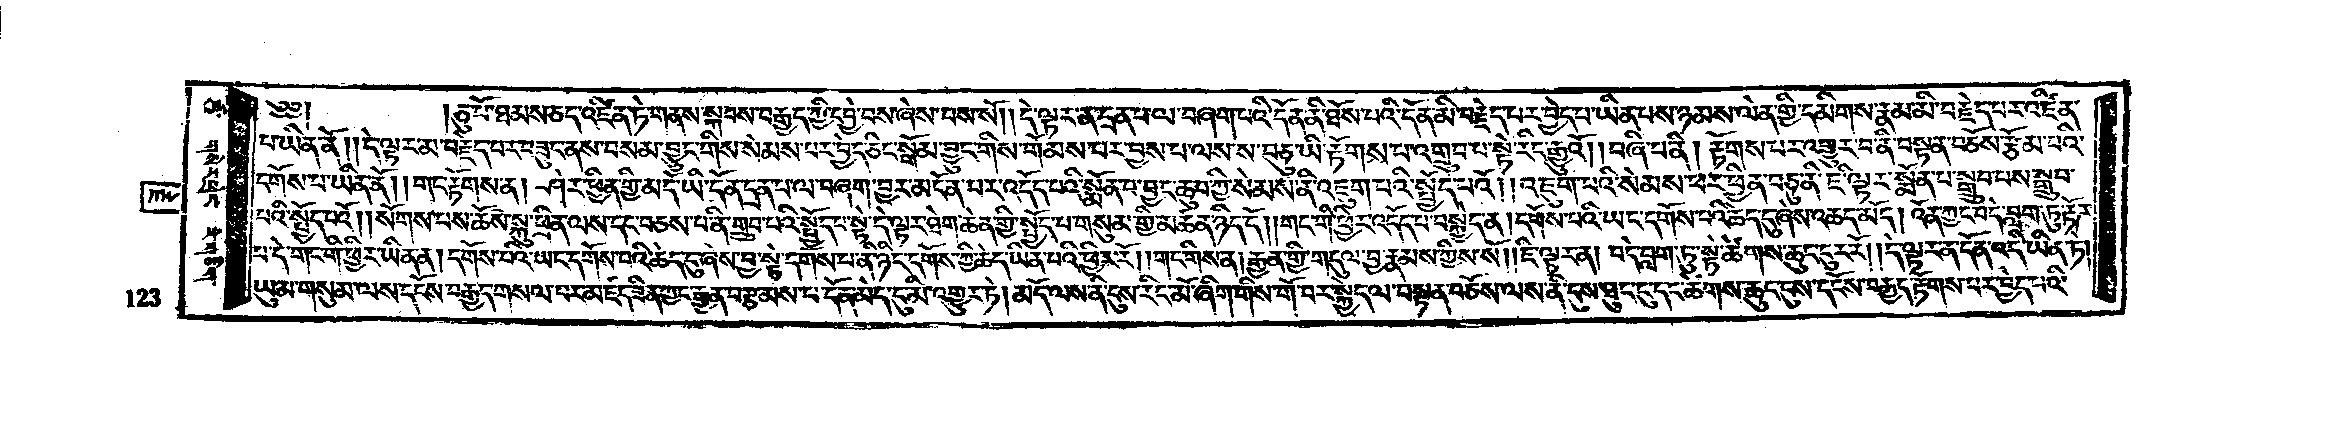༄༅། །ཅུ་པོ་ཐམས་ཅད་འཛིན་ཏེ་གནས་སྐབས་བརྒྱད་ཀྱི་དབྱེ་བས་ཞེས་བས་སོ། །དེ་ལྟར་ན་དྲན་པ་ལ་བཞག་པའི་དོན་ནི་ཐོས་པའི་དོན་མི་བརྗེད་པར་བྱེད་པ་ཡིན་པས་ཉམས་ལེན་གྱི་དམིགས་རྣམ་མི་བརྗེད་པར་འཛིན་
པ་ཡིན་ནོ། །དེ་ལྟར་མ་བརྗེད་པར་བཟུང་ནས་བསམ་བྱུང་གིས་སེམས་པར་བྱེད་ཅིང་སྒོམ་བྱུང་གིས་གོམས་པར་བྱས་པ་ལས་ས་བཅུ་ཡི་རྟོགས་པ་འགྲུབ་པ་སྟེ་རིང་རྒྱུའོ། །བཞི་པ་ནི། རྟོགས་པར་འགྱུར་བ་ནི་བསྟན་བཅོས་རྩོམ་པའི་
དགོས་པ་ཡིན་ནོ། །གང་རྟོགས་ན། ཤེར་ཕྱིན་གྱི་མདོ་ཡི་དོན་དྲན་པ་ལ་བཞག་བྱར་མངོན་པར་འདོད་པའི་སྨོན་པ་བྱང་ཆུབ་ཀྱི་སེམས་ནི་འཇུག་པའི་སྤྱོད་པའོ། །འཇུག་པའི་སེམས་ཕར་ཕྱིན་བཅུ་ནི་ཇི་ལྟར་སྨོན་པ་སྒྲུབ་པས་སྒྲུབ་
པའི་སྤྱོད་པའོ། །སོགས་པས་ཆོས་སྐུ་ཕྲིན་ལས་དང་བཅས་པ་ནི་གྲུབ་པའི་སྤྱོད་པ་སྟེ་དེ་ལྟར་ཐེག་ཆེན་གྱི་སྤྱོད་པ་གསུམ་གྱི་མཚན་ཉིད་དོ། །གང་གི་ཕྱིར་འདོད་པ་བསྐྱེད་ན། དགོས་པའི་ཡང་དགོས་པའི་ཆེད་དུ་ཞེས་འཆད་མོད། འོན་ཀྱང་བདེ་བླག་ཏུ་རྟོགས་
པ་དེ་གང་གི་ཕྱིར་ཡིན་ན། དགོས་པའི་ཡང་དགོས་པའི་ཆེད་དུ་ཞེས་བྱ་སྟེ་དགོས་པ་ནི་ཉིད་དགོས་ཀྱི་ཆེད་ཡིན་པའི་ཕྱིར་རོ། །གང་གིས་ན། རྒྱན་གྱི་གདུལ་བྱ་རྣམས་ཀྱིས་སོ། །ཇི་ལྟར་ན། བདེ་བླག་ཏུ་སྟེ་ཚེགས་ཆུང་ངུར་རོ། །དེ་ལྟར་ན་དོན་འདི་ཡིན་ཏེ།
ཡུམ་གསུམ་ལས་དངོས་བརྒྱད་གསལ་བར་མཛད་ཟིན་ཀྱང་རྒྱན་བརྩམས་པ་དོན་མེད་དུ་མི་འགྱུར་ཏེ། མདོ་ལས་ནི་དུས་རིང་མོ་ཞིག་གིས་གོ་བར་སྐྱེད་ལ་བསྟན་བཅོས་ལས་ནི་དུས་ཐུང་ངུ་དང་ཚོགས་ཆུང་དུས་དངོས་བརྒྱད་རྟོགས་པར་བྱེད་པའི་